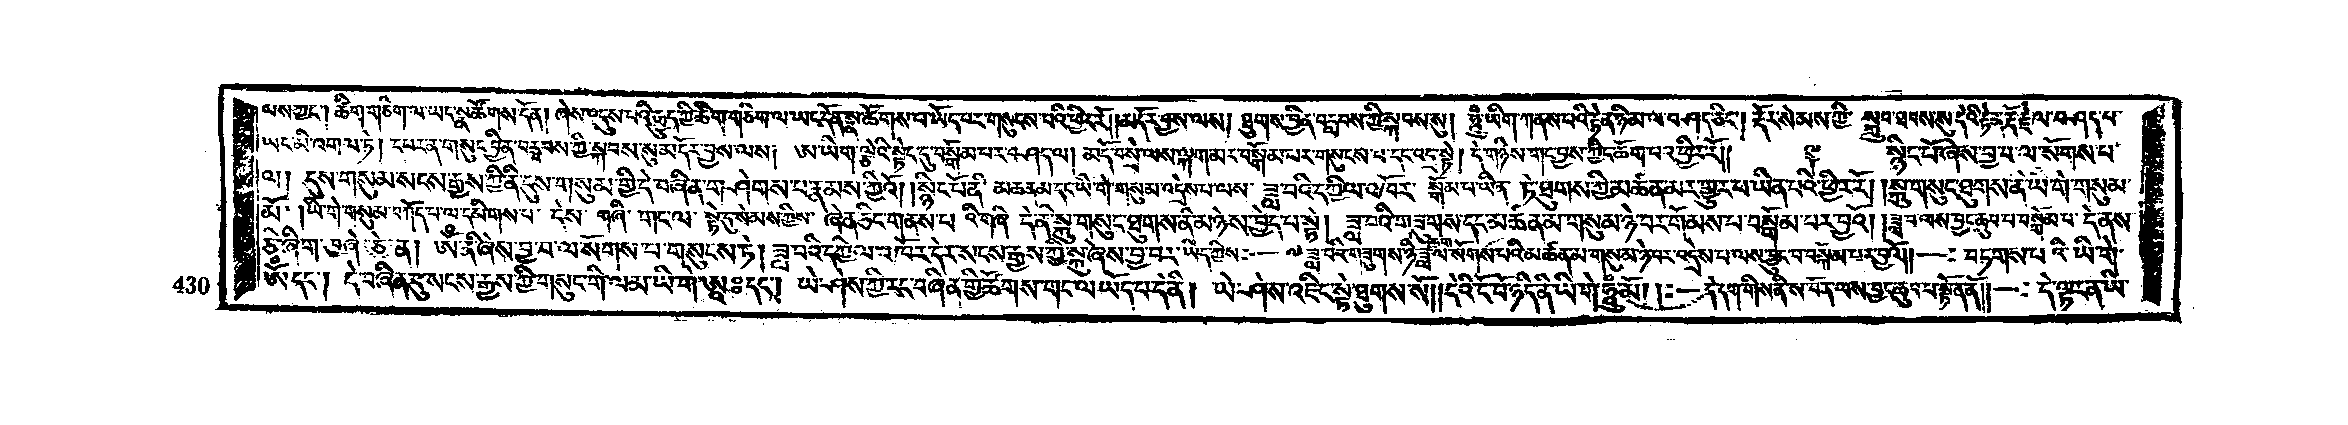ལས་ཀྱང་། ཚིག་གཅིག་ལ་ཡང་སྣ་ཚོགས་དོན། ཞེས་འདུས་པའི་རྒྱུད་ཀྱི་ཚིག་གཅིག་ལ་ཡང་དོན་སྣ་ཚོགས་པ་ཡོད་པར་གསུངས་པའི་ཕྱིར་རོ། །མདོར་བྱས་ལས། ཐུགས་བྱིན་བརླབས་ཀྱི་སྐབས་སུ། ཧཱུཾ་ཡིག་གནས་པའི་རྟེན་ཉི་མ་ལ་བཤད་ཅིང་། རྡོར་སེམས་ཀྱི་སྒྲུབ་ཐབས་སུ་དེའི་རྟེན་རྡོ་རྗེ་ལ་བཤད་པ་
ཡང་མི་འགལ་ཏེ། དཔེར་ན་གསུང་བྱིན་བརླབས་ཀྱི་སྐབས་སུ་མདོར་བྱས་ལས། ཨ་ཡིག་ལྕེའི་སྟེང་དུ་བསྒོམ་པར་བཤད་ལ། མདོ་བསྲེ་ལས་ལྐོག་མར་བསྒོམ་པར་གསུངས་པ་དང་འདྲ་སྟེ། དེ་གཉིས་གང་བྱས་ཀྱང་ཆོག་པའི་ཕྱིར་རོ།། ༈ སྙིང་པོ་ཞེས་བྱ་བ་ལ་སོགས་པ་
ལ། དུས་གསུམ་སངས་རྒྱས་ཀྱི་ནི་དུས་གསུམ་གྱི་དེ་བཞིན་གཤེགས་པ་རྣམས་ཀྱིའོ། །སྙིང་པོ་ནི་མཚན་མ་དང་ཡི་གེ་གསུམ་འདྲེས་པ་ལས་ཟླ་བའི་དཀྱིལ་འཁོར་སྒོམ་པ་ཡིན་ཏེ་ཐུགས་ཀྱི་མཚན་མར་གྱུར་པ་ཡིན་པའི་ཕྱིར་རོ། །སྐུ་གསུང་ཐུགས་ནི་ཡི་གེ་གསུམ་
མོ། ། ཡི་གེ་གསུམ་བཀོད་པ་ལ་དམིགས་པ་དེས་གཞི་གང་ལ་སྟེ་དུ་སེམས་ཀྱིས་ཞེན་ཅིང་གནས་པའི་གཞི་དེ་ནི་སྐུ་གསུང་ཐུགས་ནི་མཉེས་བྱེད་པ་སྟེ། ཟླ་བའི་གཟུགས་དང་མཚན་མ་གསུམ་ཉེ་བར་གོམས་པ་བསྒོམ་པར་བྱའོ། ། ཟླ་བ་པས་བྱང་ཆུབ་པ་བསྒོམ་པ་དེ་ནས་
ཅི་ཞིག་བྱ་ཞེ་ཅེ་ན། ཨོཾ་ནི་ཞེས་བྱ་བ་ལ་སོགས་པ་གསུངས་ཏེ། ཟླ་བའི་དཀྱིལ་འཁོར་དེར་སངས་རྒྱས་ཀྱི་སྐུ་ཞེས་བྱ་བར་ཡིད་ཀྱིས་H.་༧ཟླ་བའི་གཟུགས་ཉེ་ཟླ་ཆག་ལ་སོགས་པའི་མཚན་མ་གསུམ་ཉེ་བར་འདྲེས་པ་ལས་བྱུང་བ་བསྒོམ་པར་བྱའོ།།  .H བཏགས་པའི་ཡི་གེ་
ཨོཾ་དང་། དེ་བཞིན་དུ་སངས་རྒྱས་ཀྱི་གསུང་གི་ལམ་ཡི་གེ་ཨཱཿ དང་། ཡེ་ཤེས་ཀྱི་རང་བཞིན་གྱི་ཚོགས་གང་ལ་ཡོད་པ་དེ་ནི། ཡེ་ཤེས་འཇིང་སྟེ་ཐུགས་སོ། །དེའི་ངོ་བོ་ཉིད་ནི་ཡི་གེ་ཧཱུཾ་མོ། ། H.་དེ་དག་གིས་ནི་ས་བོན་ལས་བྱང་ཆུབ་པ་སྟོན་ནོ།།  .H དེ་ལྟར་ན་ཡི་